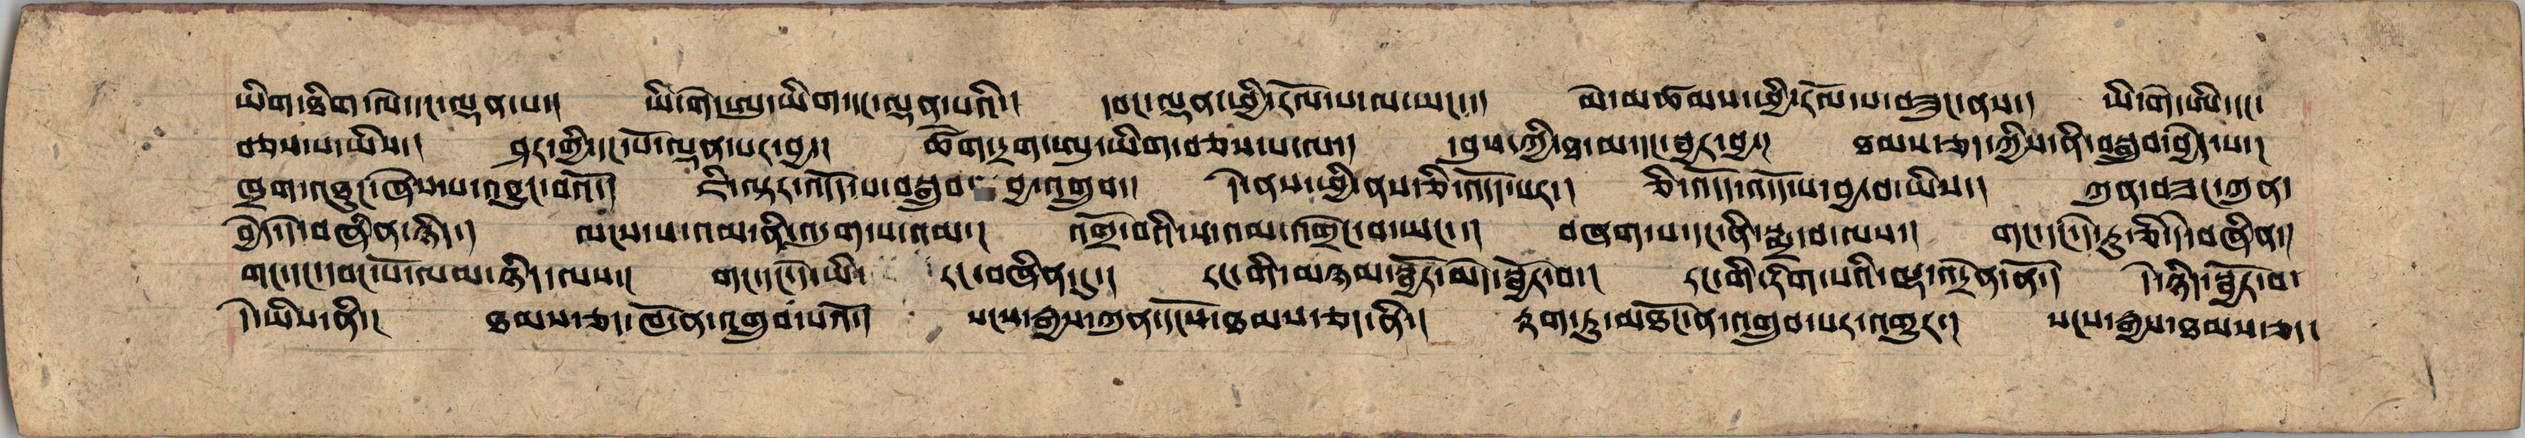ཡིག་ཐིག་ལེ་དང་ལྡན་པ་། ཡི་གེ་ཨུ་ཡིག་དང་ལྡན་པའི་། དབང་ལྡན་ཕྱི་རོལ་པ་ལ་ཡང་་། མེ་མཚམས་ཕྱི་རོལ་པ་བཟུང་ནས་། ཡི་གེ་ཨི་དང་
བཅས་པ་ཡིས་། ཤར་གྱི་དང་པོ་ལྡན་པར་བྱ་། ཚེག་དྲག་ཨུ་ཡིག་བཅས་པ་ལ་། དབུས་ཀྱི་ཐ་མ་དང་སྦྱར་བྱ་། ཐམས་ཅད་ཀྱིས་ནི་བསྒྲུབ་བྱེད་པ་།
ཁྲག་འཐུང་ཞེས་པ་འབྱུང་བའོ་། ཇི་ལྟར་འདོད་པ་བསྒྲུབ་བྱ་འགྲུབ་། དེ་ནས་ཕྱི་ནས་ཅི་འདོད་པར་། ཅི་འདོད་འདོད་པ་བྱ་བ་ཡིས་། ཀུན་བཟང་ཀུན་
བྱེད་དེ་བཞིན་ཉིད་། ལངས་པ་འམ་ནི་འདུག་པ་འམ་། འགྲོ་བའི་ས་འམ་འགྲེང་བ་ཡང་་། བཞག་པ་དང་ནི་སྨྲ་བ་ལས་། གང་དང་དེ་རུ་ཅི་དེ་བཞིན་།
གང་དང་དབང་པོ་ལམ་ཉིད་ལས་། གང་དང་དེ་ཡི་ རང་བཞིན་དུ་། རང་གི་མཉམ་སྦྱོར་མེད་སྦྱོར་བ་། རང་གི་རིག་པའི་ལྷ་འདྲེན་ནོ་། དེ་ཉིད་སྦྱོར་བ་
དེ་ཡིས་ནི་། ཐམས་ཅད་ཁོ་ན་འགྲུབ་པའོ་། སངས་རྒྱས་ཀུན་དངོས་ཐམས་ཅད་ནི་། རྟག་ཏུ་མཐོང་ན་འགྲུབ་པར་འགྱུར་། སངས་རྒྱས་ཐམས་ཅད་